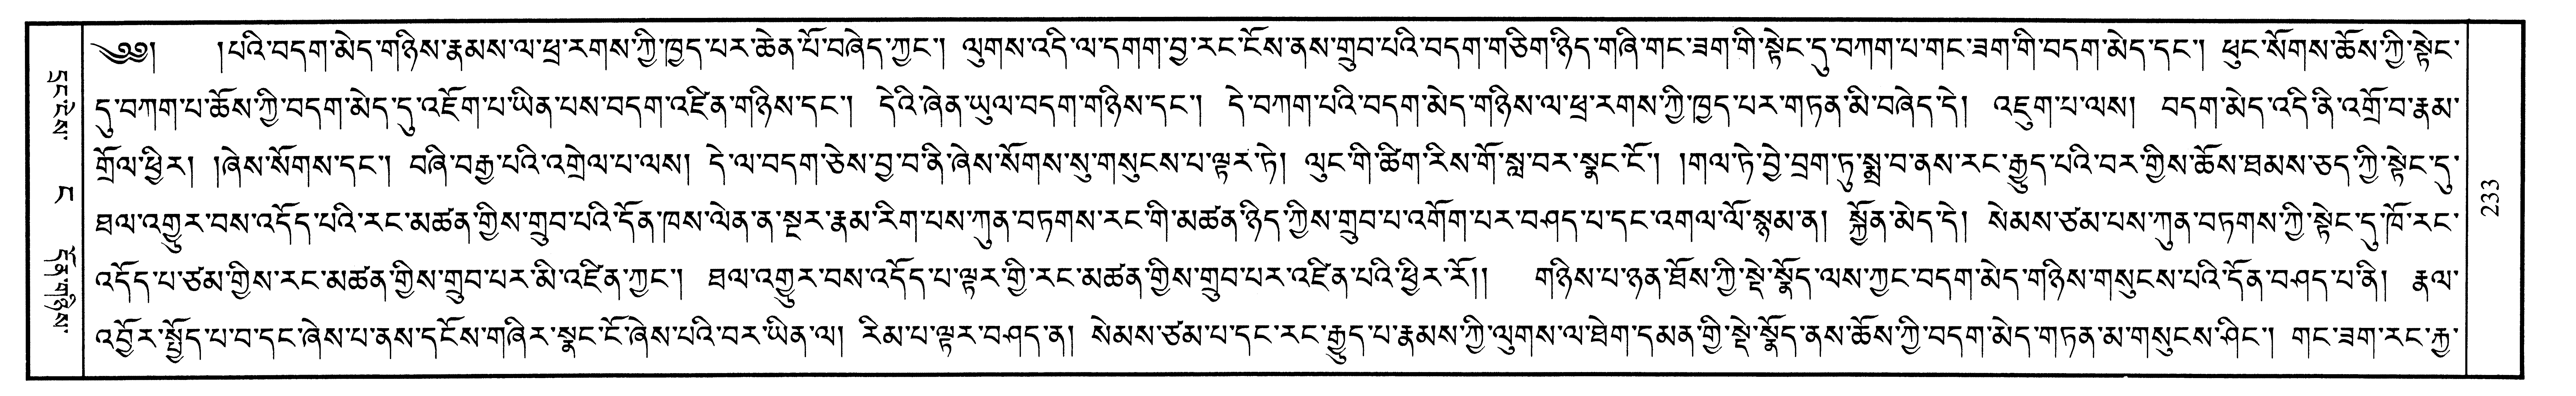༄༅། །པའི་བདག་མེད་གཉིས་རྣམས་ལ་ཕྲ་རགས་ཀྱི་ཁྱད་པར་ཆེན་པོ་བཞེད་ཀྱང་། ལུགས་འདི་ལ་དགག་བྱ་རང་ངོས་ནས་གྲུབ་པའི་བདག་གཅིག་ཉིད་གཞི་གང་ཟག་གི་སྟེང་དུ་བཀག་པ་གང་ཟག་གི་བདག་མེད་དང་། ཕུང་སོགས་ཆོས་ཀྱི་སྟེང་
དུ་བཀག་པ་ཆོས་ཀྱི་བདག་མེད་དུ་འཇོག་པ་ཡིན་པས་བདག་འཛིན་གཉིས་དང་། དེའི་ཞེན་ཡུལ་བདག་གཉིས་དང་། དེ་བཀག་པའི་བདག་མེད་གཉིས་ལ་ཕྲ་རགས་ཀྱི་ཁྱད་པར་གཏན་མི་བཞེད་དེ། འཇུག་པ་ལས། བདག་མེད་འདི་ནི་འགྲོ་བ་རྣམ་
གྲོལ་ཕྱིར། །ཞེས་སོགས་དང་། བཞི་བརྒྱ་པའི་འགྲེལ་པ་ལས། དེ་ལ་བདག་ཅེས་བྱ་བ་ནི་ཞེས་སོགས་སུ་གསུངས་པ་ལྟར་ཏེ། ལུང་གི་ཚིག་རིས་གོ་སླ་བར་སྣང་ངོ། །གལ་ཏེ་བྱེ་བྲག་ཏུ་སྨྲ་བ་ནས་རང་རྒྱུད་པའི་བར་གྱིས་ཆོས་ཐམས་ཅད་ཀྱི་སྟེང་དུ་
ཐལ་འགྱུར་བས་འདོད་པའི་རང་མཚན་གྱིས་གྲུབ་པའི་དོན་ཁས་ལེན་ན་སྔར་རྣམ་རིག་པས་ཀུན་བཏགས་རང་གི་མཚན་ཉིད་ཀྱིས་གྲུབ་པ་འགོག་པར་བཤད་པ་དང་འགལ་ལོ་སྙམ་ན། སྐྱོན་མེད་དེ། སེམས་ཙམ་པས་ཀུན་བཏགས་ཀྱི་སྟེང་དུ་ཁོ་རང་
འདོད་པ་ཙམ་གྱིས་རང་མཚན་གྱིས་གྲུབ་པར་མི་འཛིན་ཀྱང་། ཐལ་འགྱུར་བས་འདོད་པ་ལྟར་གྱི་རང་མཚན་གྱིས་གྲུབ་པར་འཛིན་པའི་ཕྱིར་རོ།། གཉིས་པ་ཉན་ཐོས་ཀྱི་སྡེ་སྣོད་ལས་ཀྱང་བདག་མེད་གཉིས་གསུངས་པའི་དོན་བཤད་པ་ནི། རྣལ་
འབྱོར་སྤྱོད་པ་བ་དང་ཞེས་པ་ནས་དངོས་གཞིར་སྣང་ངོ་ཞེས་པའི་བར་ཡིན་ལ། རིམ་པ་ལྟར་བཤད་ན། སེམས་ཙམ་པ་དང་རང་རྒྱུད་པ་རྣམས་ཀྱི་ལུགས་ལ་ཐེག་དམན་གྱི་སྡེ་སྣོད་ནས་ཆོས་ཀྱི་བདག་མེད་གཏན་མ་གསུངས་ཤིང་། གང་ཟག་རང་རྐྱ་